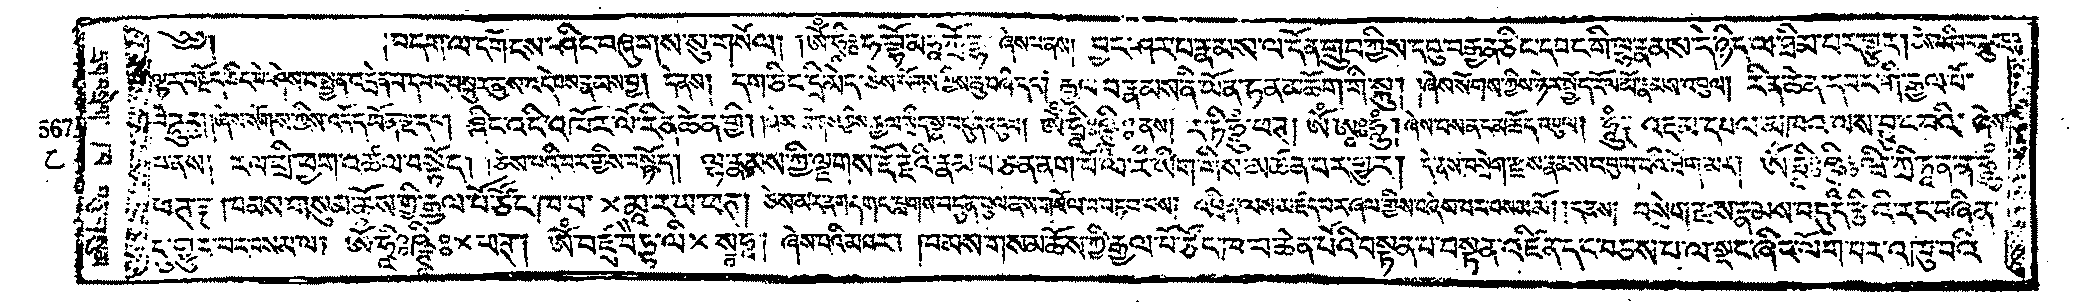༄༅། །བདག་ལ་དགོངས་ཤིང་བཞུགས་སུ་གསོལ། །ཨོཾ་ཧྲཱིཿཧབྷོ་མཧཱ་ཀྲོ་དྷ་ཞེས་པ་ནས།  བྱང་ཤར་པ་རྣམས་ལ་དོན་གྲུབ་ཀྱིས་དབུ་བརྒྱན་ཅིང་དབང་གི་ལྷ་རྣམས་དེ་ཉིད་ལ་ཐིམ་པར་གྱུར། ཅེས་པའི་བར་སྒྲུབ་ཐབས་
ལྟར་བརྗོད་ཅིང་ཡེ་ཤེས་པ་སྤྱན་འདྲེན་པ་དབང་བསྐུར་རྒྱས་འདེབས་རྣམས་བྱ། དེ་ནས། དག་ཅིང་དྲི་མེད་ཅེས་སོགས་ཀྱིས་ཆུ་བཞི་དང་།  རྒྱལ་བ་རྣམས་ནི་ཡོན་ཏན་མཆོག་གི་སྐུ། །ཞེས་སོགས་ཀྱིས་ཉེར་སྤྱོད་རོལ་མོ་རྣམས་འབུལ།  རིན་ཆེན་དབང་གི་རྒྱལ་པོ་
བཻཌཱུརྱ། །ཞེས་སོགས་ཀྱིས་འདོད་ཡོན་ལྔ་དང་།  ཞིང་འདི་འཁོར་ལོ་རིན་ཆེན་གྱི། །ཞེས་སོགས་ཀྱིས་རྒྱལ་སྲིད་སྣ་བདུན་འབུལ།  ཨོཾ་ཧྲཱིཿཥྚཱིཿནས།  ཏ་ཏི་ཧཱུཾ་ཕཊ། ཨོཾ་ཨཱཿཧཱུཾ། ཞེས་པས་ནང་མཆོད་འབུལ།  ཧཱུཾ༑ འཇམ་དཔལ་མཁའ་ལས་བྱུང་བའི་ཞེས་
པ་ནས། རལ་གྲི་ཕྱག་འཚལ་བསྟོད། །ཅེས་པའི་བར་གྱིས་བསྟོད།  ལྷ་རྣམས་ཀྱི་ལྷགས་རྡོ་རྗེའི་རྣམ་པ་ཅན་ནག་པོ་ལ་རི་ཡིག་གིས་མཚན་པར་གྱུར། དེ་ནས་བསྲེག་རྫས་རྣམས་བུལ་བའི་ཐེག་མར།  ཨོཾ་ཧྲཱིཿཥཱིཿཝི་ཀྲི་ཏཱ་ན་ན་ཧཱུཾ་
ཕཊ༑ ཁམས་གསུམ་ཆོས་ཀྱི་རྒྱལ་པོ་ཙོང་ཁ་པ་྾་མཱ་ར་ཡ་ཕཊ། ཅེས་མར་ནག་དགང་བླགས་བདུན་ཕུལ་ནས་གསོལ་བ་བཏབ་པས། འཕྲིན་ལས་མཛད་པར་ཞལ་གྱིས་བཞེས་པར་བསམ་མོ། །ད་ནས།  བསྲེག་རྫས་རྣམས་བདུད་རྩིའི་རང་བཞིན་
དུ་གྱུར་པར་བསམ་ལ།  ཨོཾ་ཧྲཱིཿཥྚཱིཿ ྾་ཕཊ། ཨོཾ་བཛྲ་བཻ་ཏྟ་ལི་྾་སྭཱཧཱ། ཞེས་པའི་མཐར། ཁམས་གསུམ་ཆོས་ཀྱི་རྒྱལ་པོ་ཙོང་ཁ་པ་ཆེན་པོའི་བསྟན་པ་བསྟན་འཛིན་དང་བཅས་པ་ལ་སྡང་ཞིབ་ལོག་པར་འཁུ་བའི་